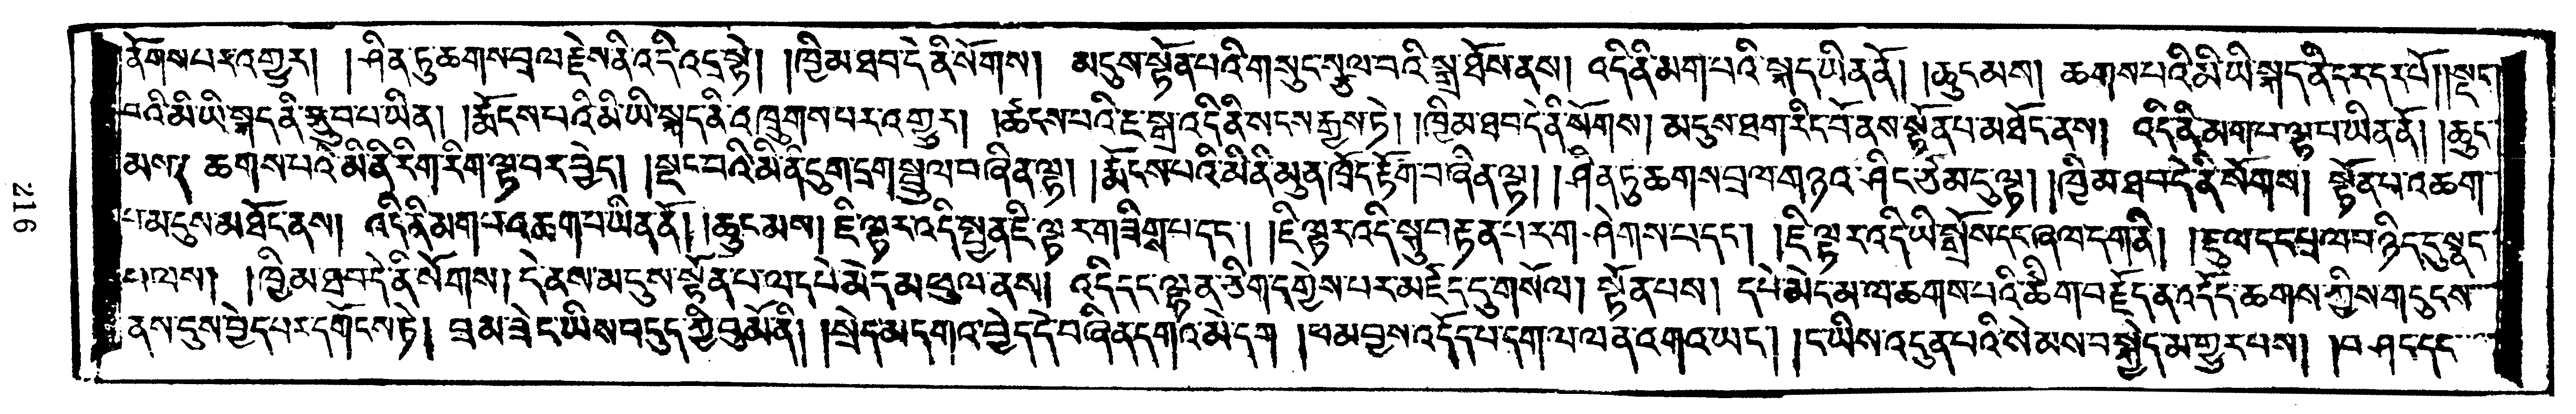ནོགས་པར་འགྱུར། །ཤིན་ཏུ་ཆགས་བྲལ་རྗེས་ནི་འདི་འདྲ་སྟེ། །ཁྱིམ་ཐབ་དེ་ནི་སོགས། མདུས་སྟོན་པའི་གསུང་སྩལ་བའི་སྒྲ་ཐོས་ནས། འདི་ནི་མག་པའི་སྐད་ཡིན་ནོ། །ཆུང་མས། ཆགས་པའི་མི་ཡི་སྐད་ནི་ངར་དར་པོ། །སྡང་
བའི་མི་ཡི་སྐད་ནི་རྩུབ་པ་ཡིན། །རྨོངས་པའི་མི་ཡི་སྐད་ནི་འཁྲུགས་པར་འགྱུར། །ཚངས་པའི་རྔ་སྒྲ་འདི་ནི་སངས་རྒྱས་ཏེ། །ཁྱིམ་ཐབ་དེ་ནི་སོགས། མདུས་ཐག་རིང་བོ་ནས་སྟོན་པ་མཐོང་ནས། འདི་ནི་མག་པ་ལྟ་པ་ཡིན་ནོ། །ཆུང་
མས༑ ཆགས་པའི་མི་ནི་རིག་རིག་ལྟ་བར་བྱེད། །སྡང་བའི་མི་ནི་དུག་དྲག་སྦྲུལ་བཞིན་ལྟ། །རྨོངས་པའི་མི་ནི་མུན་ཁྲོད་རྟོག་བཞིན་ལྟ། །ཤིན་ཏུ་ཆགས་བྲལ་གཉའ་ཤིང་ཙམ་དུ་ལྟ། །ཁྱིམ་ཐབ་དེ་ནི་སོགས། སྟོན་པ་འཆག་
པ་མ་དུས་མཐོང་ནས། འདི་ནི་མག་པ་འཆག་པ་ཡིན་ནོ། །ཆུང་མས། ཇི་ལྟར་འདི་སྤྱན་ཇི་ལྟར་གཟིགས་པ་དང་། །ཇི་ལྟར་འདི་སྐུ་བརྟན་པར་གཤེགས་པ་དང་། །ཇི་ལྟར་འདི་ཡི་སྒྲོས་དང་ཞལ་དག་ནི། །རྡུལ་དང་པྲལ་བ་ཉིད་དུ་སྣང་
པ་ལས། །ཁྱིམ་ཐབ་དེ་ནི་སོགས། དེ་ནས་མ་དུས་སྟོན་པ་ལ་དཔེ་མེད་མ་ཕུལ་ནས། འདི་དང་ལྷན་ཅིག་དགྱེས་པར་མཛད་དུ་གསོལ། སྟོན་པས། དཔེ་མེད་མ་ལ་ཆགས་པའི་ཚིག་བརྗོད་ན་འདོད་ཆགས་ཀྱིས་གདུངས་
ནས་དུས་བྱེད་པར་དགོངས་ཏེ། བྲམ་ཟེ་ང་ཡིས་བདུད་ཀྱི་བུ་མོ་ནི། །སྲེད་མ་དགའ་བྱེད་དེ་བཞིན་དགའ་མེ་དག །ཕམ་བྱས་འདོད་པ་དག་ལ་ལན་འགའ་ཡང་། །ང་ཡིས་འདུན་པའི་སེམས་བསྐྱེད་མ་གྱུར་པས། །བཤད་དང་